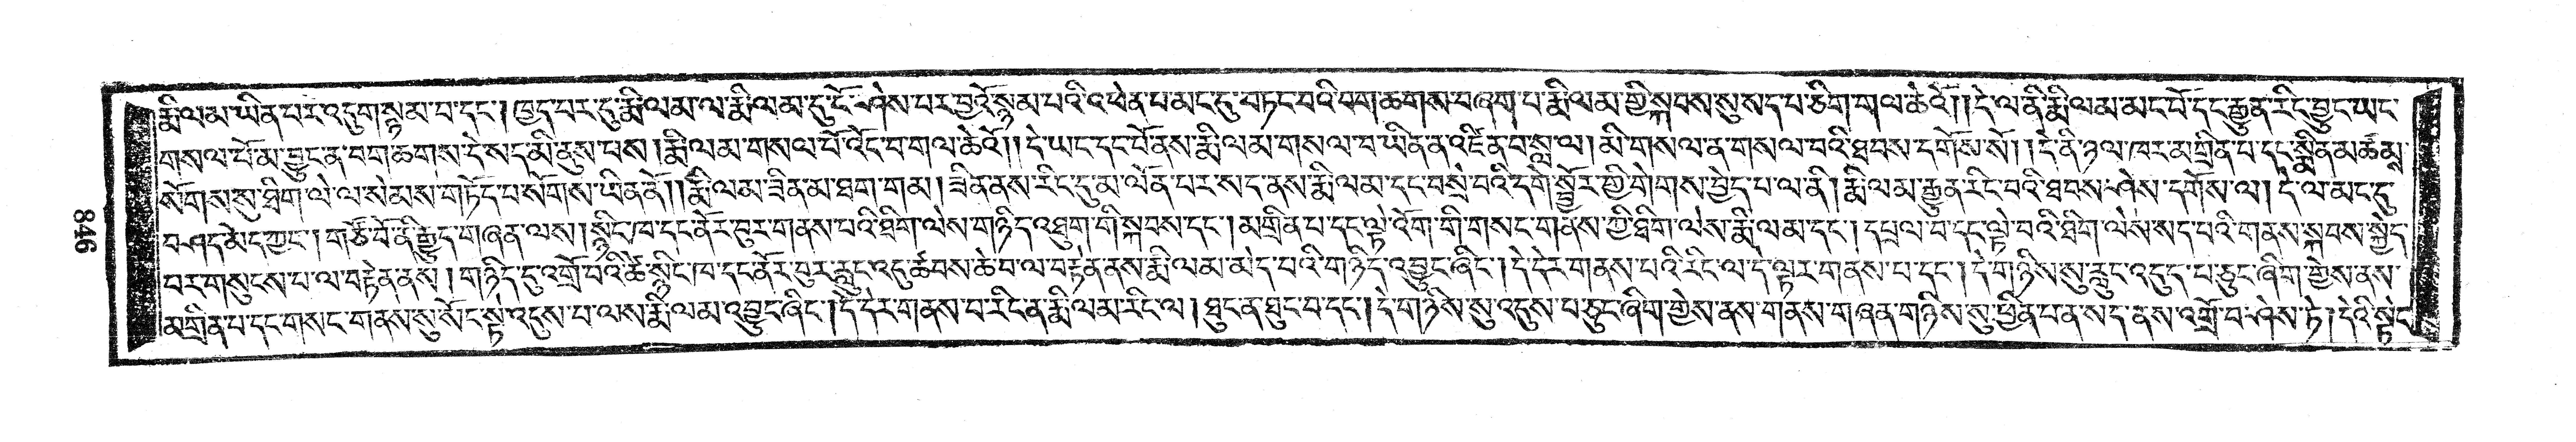རྨི་ལམ་ཡིན་པར་འདུག་སྙམ་པ་དང་། ཁྱད་པར་དུ་རྨི་ལམ་ལ་རྨི་ལམ་དུ་ངོ་ཤེས་པར་བྱའོ་སྙམ་པའི་འཕེན་པ་མང་དུ་བཏང་བའི་བག་ཆགས་བཞག་པ་རྨི་ལམ་གྱི་སྐབས་སུ་སད་པ་ཅིག་གལ་ཆེའོ། །དེ་ལ་ནི་རྨི་ལམ་མང་པོ་དང་རྒྱུན་རང་བྱུང་ཡང་
གསལ་པོ་མ་བྱུང་ན་བག་ཆགས་དེ་སད་མི་ནུས་པས། རྨི་ལམ་གསལ་པོ་འོང་བ་གལ་ཆེའོ། །དེ་ཡང་དང་པོ་ནས་རྨི་ལམ་གསལ་བ་ཡིན་ན་འཛིན་པ་སླ་ལ། མི་གསལ་ན་གསལ་བའི་ཐབས་དགོས་སོ། །དེ་ནི་ཉལ་ཁར་མགྲིན་པ་དང་སྨིན་མཚམས་
སོགས་སུ་ཐིག་ལེ་ལ་སེམས་གཏོད་པ་སོགས་ཡིན་ནོ། །རྨི་ལམ་ཟིན་མ་ཐག་གམ། ཟིན་ནས་རིང་དུ་མ་ལོན་པར་སད་ནས་རྨི་ལམ་དང་བསྲེ་བའི་དགེ་སྦྱོར་གྱི་གེགས་བྱེད་པ་ལ་ནི། རྨི་ལམ་རྒྱུན་རིང་བའི་ཐབས་ཤེས་དགོས་ལ། དེ་ལ་མང་དུ་
བཤད་མོད་ཀྱང་། གཙོ་བོ་ནི་རྒྱུད་གཞན་ལས། སྙིང་ཁ་དང་ནོར་བུར་གནས་པའི་ཐིག་ལེས་གཉིད་འཐུག་གི་སྐབས་དང་། མགྲིན་པ་དང་ལྟེ་འོག་གི་གསང་གནས་ཀྱི་ཐིག་ལེས་རྨི་ལམ་དང་། དཔྲལ་བ་དང་ལྟེ་བའི་ཐིག་ལས་སད་པའི་གནས་སྐབས་སྐྱེད་
པར་གསུངས་པ་ལ་བརྟེན་ནས། གཉིད་དུ་འགྲོ་བའི་ཚེ་སྙིང་ཁ་དང་ནོར་བུར་རླུང་འདུ་ཚབས་ཆེ་བ་ལ་བརྟེན་ནས་རྨི་ལམ་མེད་པའི་གཉིད་འབྱུང་ཞིང་། དེ་དེར་གནས་པའི་རིང་ལ་དེ་ལྟར་གནས་པ་དང་། དེ་གཉིས་སུ་རླུང་འདུད་པ་ཅུང་ཞིག་ཀྱེས་ནས་
མགྲིན་པ་དང་གསང་གནས་སུ་སོང་སྟེ་འདུས་པ་ལས་རྨི་ལམ་འབྱུང་ཞིང་། དེ་དེར་གནས་པ་རིང་ན་རྨི་ལམ་རིང་ལ། ཐུང་ན་ཐུང་བ་དང་། དེ་གཉིས་སུ་འདུས་པ་ཅུང་ཞིག་གྱེས་ནས་གནས་གཞན་གཉིས་སུ་ཕྱིན་པ་ན་སང་ནས་འགྲོ་བ་ཤེས་ཏེ། དེའི་སྟེང་